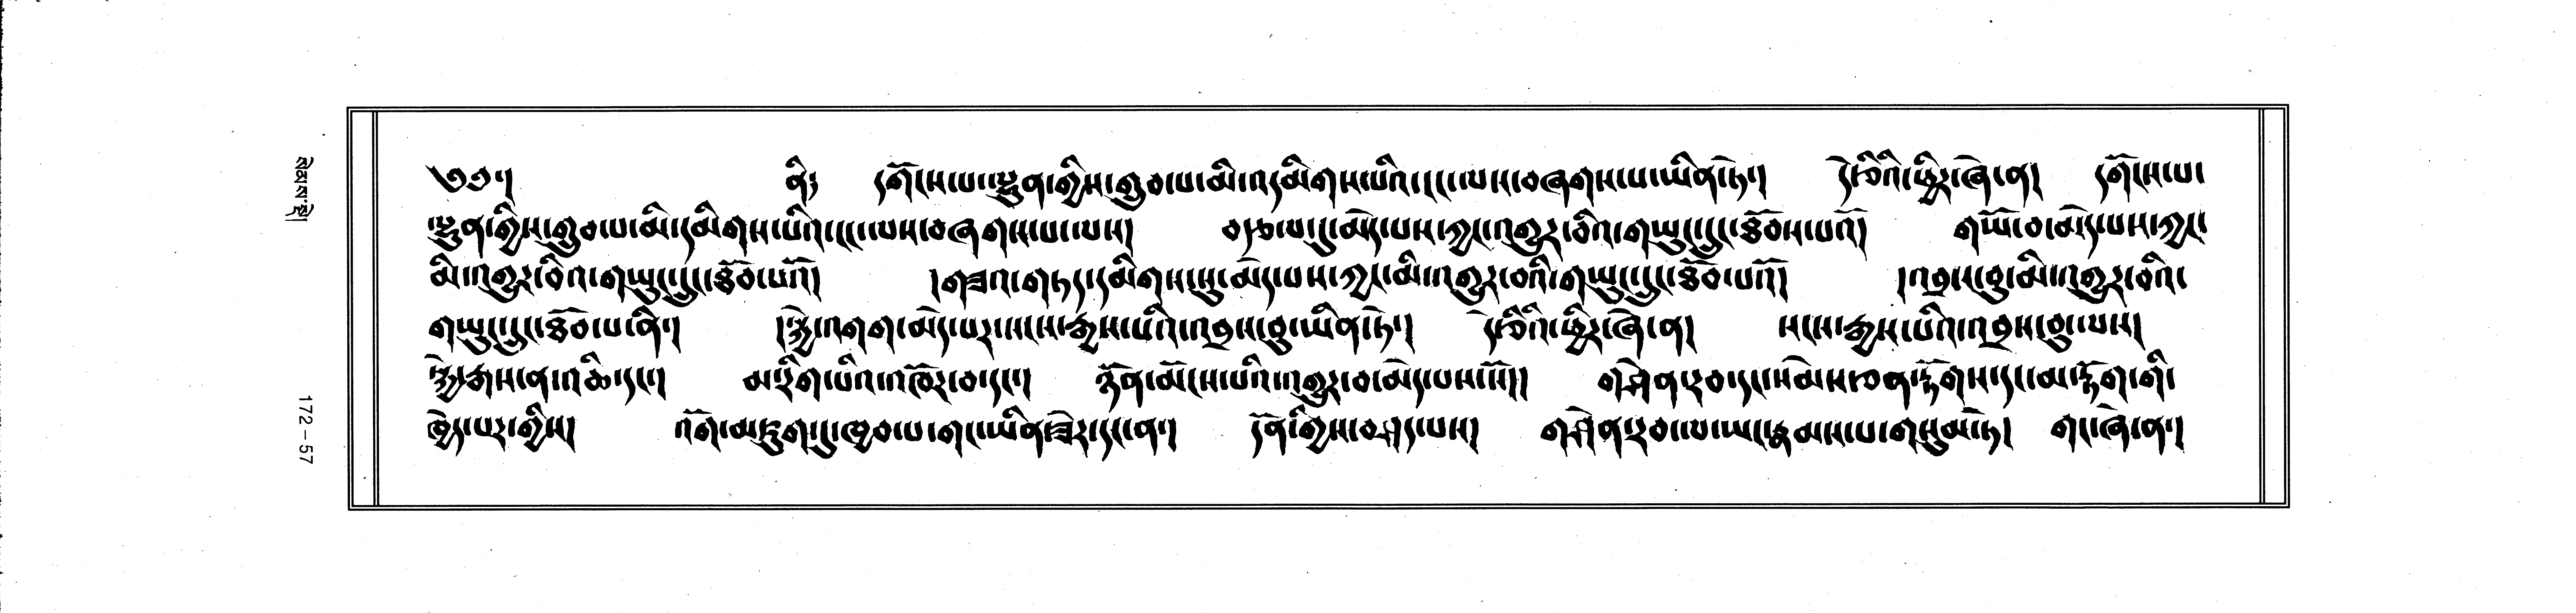ནི། དགོངས་པ་ལྷུན་གྱིས་གྲུབ་པ་མི་འདམིགས་པའི་ངང་ལས་བཞགས་པ་ཡིན་ཏེ། དེ་ཅིའི་ཕྱིར་ཞེ་ན། དགོངས་པ་
ལྷུན་གྱིས་གྲུབ་པ་མི་དམིགས་པའི་ངང་ལས་བཞགས་པ་ལས། བརྩལ་དུ་མེད་པས་ཀྱང་
མི་འགྱུར་བའི་གཡུང་དྲུང་ཐོབས་པའོ། གཡོ་བ་མེད་པས་ཀྱང་མི་འགྱུར་བའི་གཡུང་དྲུང་ཐོབས་པའོ། གཟའ་གཏད་མེད་པས་ཀྱང་མི་འགྱུར་བའི་
གཡུང་དྲུང་ཐོབས་པའོ། འབྲས་བུ་མི་འགྱུར་བའི་གཡུང་དྲུང་ཐོབས་པ་ནི། སྐྱེ་འགག་མེད་པར་སངས་རྒྱས་པའི་འབྲས་བུ་ཡིན་ཏེ། དེ་ཅིའི་ཕྱིར་ཞེ་ན། སངས་རྒྱས་པའི་འབྲས་བུ་
ལས། སྐྱེ་རྒས་ན་འཆི་དང་། མ་རིག་པའི་འཁོར་བ་དང་། ཉོན་མོངས་པའི་འགྱུར་བ་མེད་པས་སོ། གཤེན་རབ་དང་སེམས་ཅན་རྟོགས་དང་མ་རྟོགས་གི་
ཁྱེད་པར་གྱིས། མགོ་མཇུག་དུ་ཁྱབ་པ་གང་ཡིན་ཟེར་དང་ན། དོན་གྱིས་བཤད་པས། གཤེན་རབ་ལ་ཡང་རྣམས་པ་གསུམ་ཏེ། གང་ཞེ་ན།